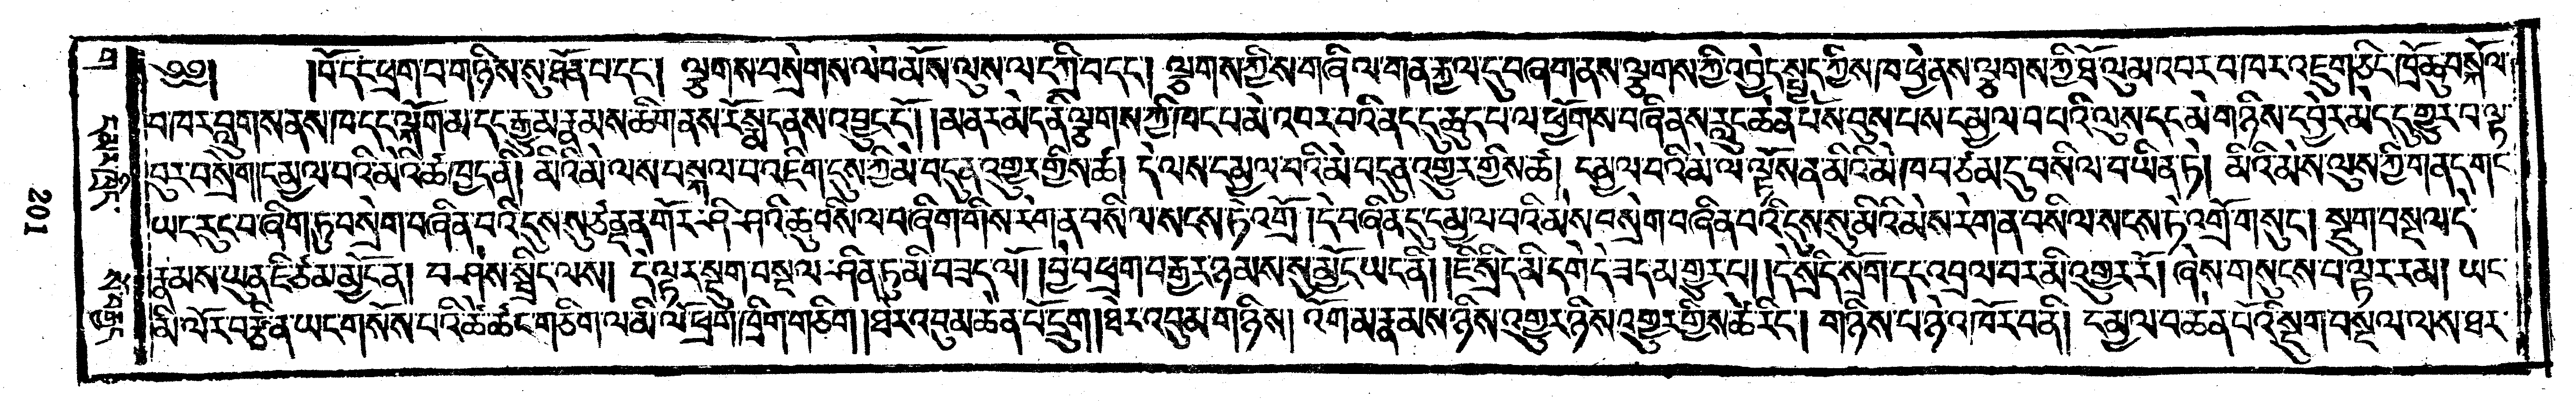༄༅། །བོ་དང་ཕྲག་པ་གཉིས་སུ་ཐོན་པ་དང་། ལྕགས་བསྲེགས་ལེབ་མོས་ལུས་ལ་དཀྲི་བ་དང་། ལྕགས་ཀྱིས་གཞི་ལ་གན་རྐྱལ་དུ་བཞག་ནས་ལྕགས་ཀྱི་འབྱེད་སྤྱད་ཀྱིས་ཁ་ཕྱེ་ནས་ལྕགས་ཀྱི་ཐོ་ལུམ་འབར་བ་ཁར་འཇུག་ཅིང་ཁྲོ་ཆུ་བསྐོལ་
བ་ཁར་བླུགས་ནས་ཁ་དང་ལྐོག་མ་དང་རྒྱུ་མ་རྣམས་ཆིག་ནས་རོ་སྨད་ནས་འབྱུང་ངོ། །མནར་མེད་ནི་ལྕགས་ཀྱི་ཁང་པ་མེ་འབར་བའི་ནང་དུ་ཆུད་པ་ལ་ཕྱོགས་བཞིན་ས་རླུང་ཆེན་པོས་བུས་པས་དམྱལ་བ་པའི་ལུས་དང་མེ་གཉིས་དབྱེར་མེད་དུ་གྱུར་པ་ལྟ་
བུར་བསྲེག། དམྱལ་བའི་མེའི་ཚ་ཁྱད་ནི། མིའི་མེ་ལས་བསྐལ་བ་འཇིག་དུས་ཀྱི་མེ་བདུན་འགྱུར་གྱིས་ཚ། དེ་ལས་དམྱལ་བའི་མེ་བདུན་འགྱུར་གྱིས་ཚ། དམྱལ་བའི་མེ་ལ་ལྟོས་ན་མིའི་མེ་ཁ་བ་ཙམ་དུ་བསིལ་བ་ཡིན་ཏེ། མིའི་མེས་ལུས་ཀྱི་གནད་གང་
ཡང་རུང་བ་ཞིག་ཏུ་བསྲེག་བཞིན་པའི་དུས་སུ་ཙནྡན་གོར་ཤི་ཤའི་ཆུ་བསིལ་བ་ཞིག་གིས་རེག་ན་བསིལ་སངས་ཏེ་འགྲོ། །དེ་བཞིན་དུ་དམྱལ་བའི་མེས་བསྲེག་བཞིན་པའི་དུས་སུ་མིའི་མེས་རེག་ན་བསིལ་སངས་ཏེ་འགྲོ་གསུང་། སྡུག་བསྔལ་དེ་
རྣམས་ཡུན་ཇི་ཙམ་མྱོང་ན། བཤེས་སྦྲིང་ལས། དེ་ལྟར་སྡུག་བསྔལ་ཤིན་ཏུ་མི་བཟད་ལོ། །བྱེ་བ་ཕྲག་བརྒྱར་ཉམས་སུ་མྱོང་ཡང་ནི། །ཇི་སྲིད་མི་དགེ་དེ་ཟད་མ་གྱུར་པ། །དེ་སྲིད་སྲོག་དང་འབྲལ་པར་མི་འགྱུར་རོ། །ཞེས་གསུངས་པ་ལྟར་རམ། ཡང་
མི་ལོར་བརྩིན་ཡང་གསོས་པའི་ཚེ་ཚང་གཅིག་ལ་མི་ལོ་ཕྲག་ཁྲིག་གཅིག །ཐེར་འབུམ་ཆེན་པོ་དྲུག །ཐེར་འབུམ་གཉིས། འོག་མ་རྣམས་ཉིས་འགྱུར་ཉིས་འགྱུར་གྱིས་ཚེ་རིང་། གཉིས་པ་ཉེ་འཁོར་བ་ནི། དམྱལ་བ་ཆེན་པོའི་སྡུག་བསྔལ་ལས་ཐར་